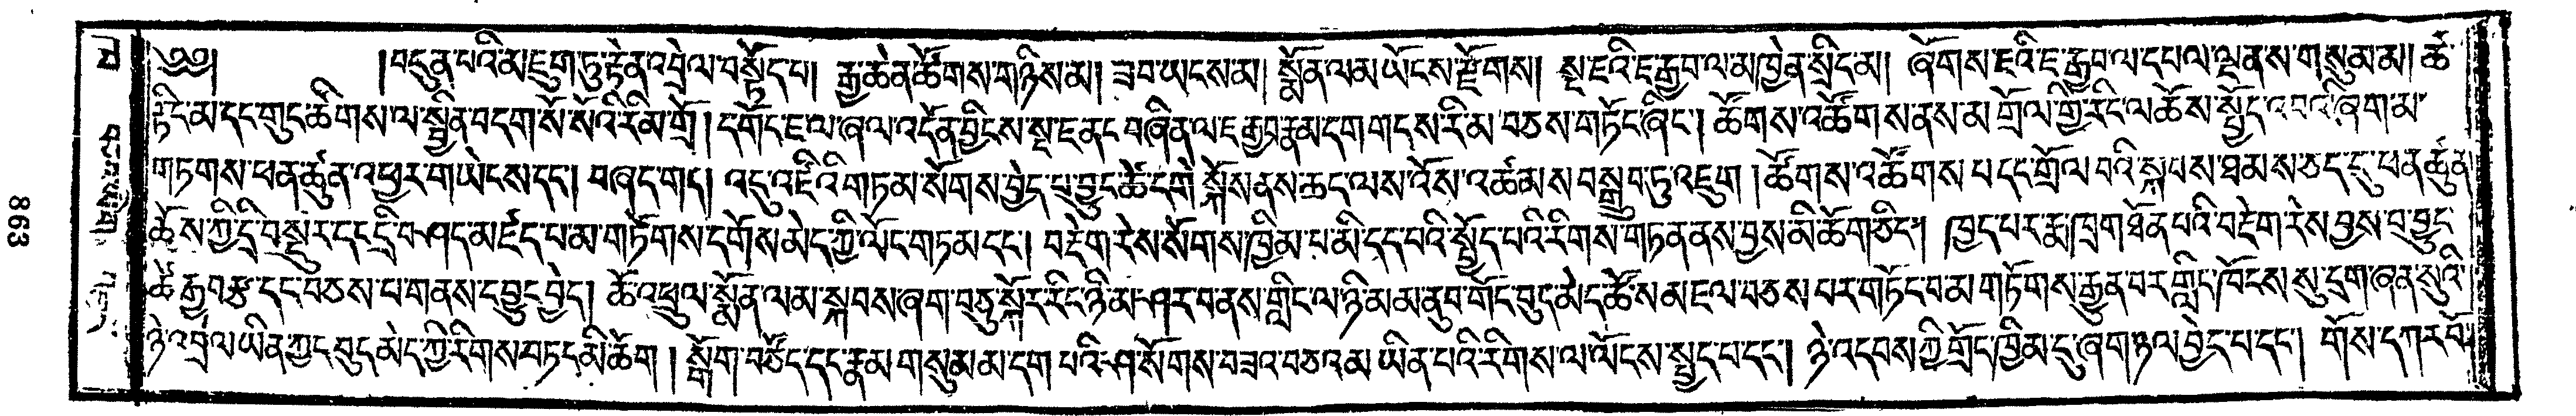༄༅། །བདུན་པའི་མཇུག་ཏུ་རྟེན་འབྲེལ་བསྟོད་པ། རྒྱ་ཆེན་ཚོགས་གཉིས་མ། ཟབ་ཡངས་མ། སྨོན་ལམ་ཡོངས་རྫོགས། སྔ་ཇའི་ཇ་རྒྱབ་ལ་མཁྱེན་སྲིད་མ། ཞོགས་ཇའི་ཇ་རྒྱབ་ལ་དཔལ་ལྡན་ས་གསུམ་མ། ཚ་
རྟིང་མ་དང་གུང་ཚིགས་ལ་སྦྱིན་བདག་སོ་སོའི་རིམ་གྲོ་།དགོད་ཇ་ལ་ཞལ་འདོན་བྱིངས་སྔ་ཇ་ནང་བཞིན་ལ་ཇ་རྒྱབ་རྣམ་དག་གངས་རིམ་བཅས་གཏོང་ཞིང་། ཚོགས་འཚོགས་ནས་མ་གྲོལ་གྱི་རིང་ལ་ཆོས་སྤྱོད་འབའ་ཞིག་མ་
གཏགས་ཕན་ཚུན་འཕྱར་གཡེངས་དང་། བཞད་གད། འདུ་འཛིའི་གཏམ་སོགས་བྱེད་པ་བྱུང་ཚེ་དགེ་སྐོས་ནས་ཆད་ལས་འོས་འཚམས་བསྒྲུབ་ཏུ་འཇུག །ཚོགས་འཚོགས་པ་དང་གྲོལ་བའི་སྐབས་ཐམས་ཅད་དུ་ཕན་ཚུན་
ཆོས་ཀྱི་དྲི་བསྡུར་དང་དྲི་བཤད་མཛད་པ་མ་གཏོགས་དགོས་མེད་ཀྱི་ལོང་གཏམ་དང་། བརྡེག་རེས་སོགས་ཁྱིམ་པ་མི་དད་པའི་སྤྱོད་པའི་རིགས་གཏན་ནས་བྱས་མི་ཆོག་ཅིང་། ཁྱད་པར་རྨ་ཁྲག་ཐོན་པའི་བརྡེག་རེས་བྱས་བ་བྱུང་
ཚེ་རྒྱབ་རྩ་དང་བཅས་པ་གནས་དབྱུང་བྱེད། ཆོ་འཕྲུལ་སྨོན་ལམ་སྐབས་ཞག་བཅུ་སྐོར་རིང་ཉི་མ་ཤར་བ་ནས་གླིང་ལ་ཉི་མ་མ་ནུབ་གོང་བུད་མེད་ཚོས་མཇལ་བཅས་པར་གཏོང་བ་མ་གཏོགས་རྒྱུན་པར་གླིང་ཁོངས་སུ་དྲག་ཞན་སུའི་
ཉེ་འབྲེལ་ཡིན་ཀྱང་བུད་མེད་ཀྱི་རིགས་བཏང་མི་ཆོག །སྒོག་བཙོད་དང་རྣམ་གསུམ་མ་དག་པའི་ཤ་སོགས་བཟའ་བཅའ་མ་ཡིན་པའི་རིགས་ལ་ལོངས་སྤྱད་པ་དང་། ཉེ་འདབས་ཀྱི་གྲོང་ཁྱིམ་དུ་ཞག་ཉལ་བྱེད་པ་དང་། གོས་དཀར་བོ་